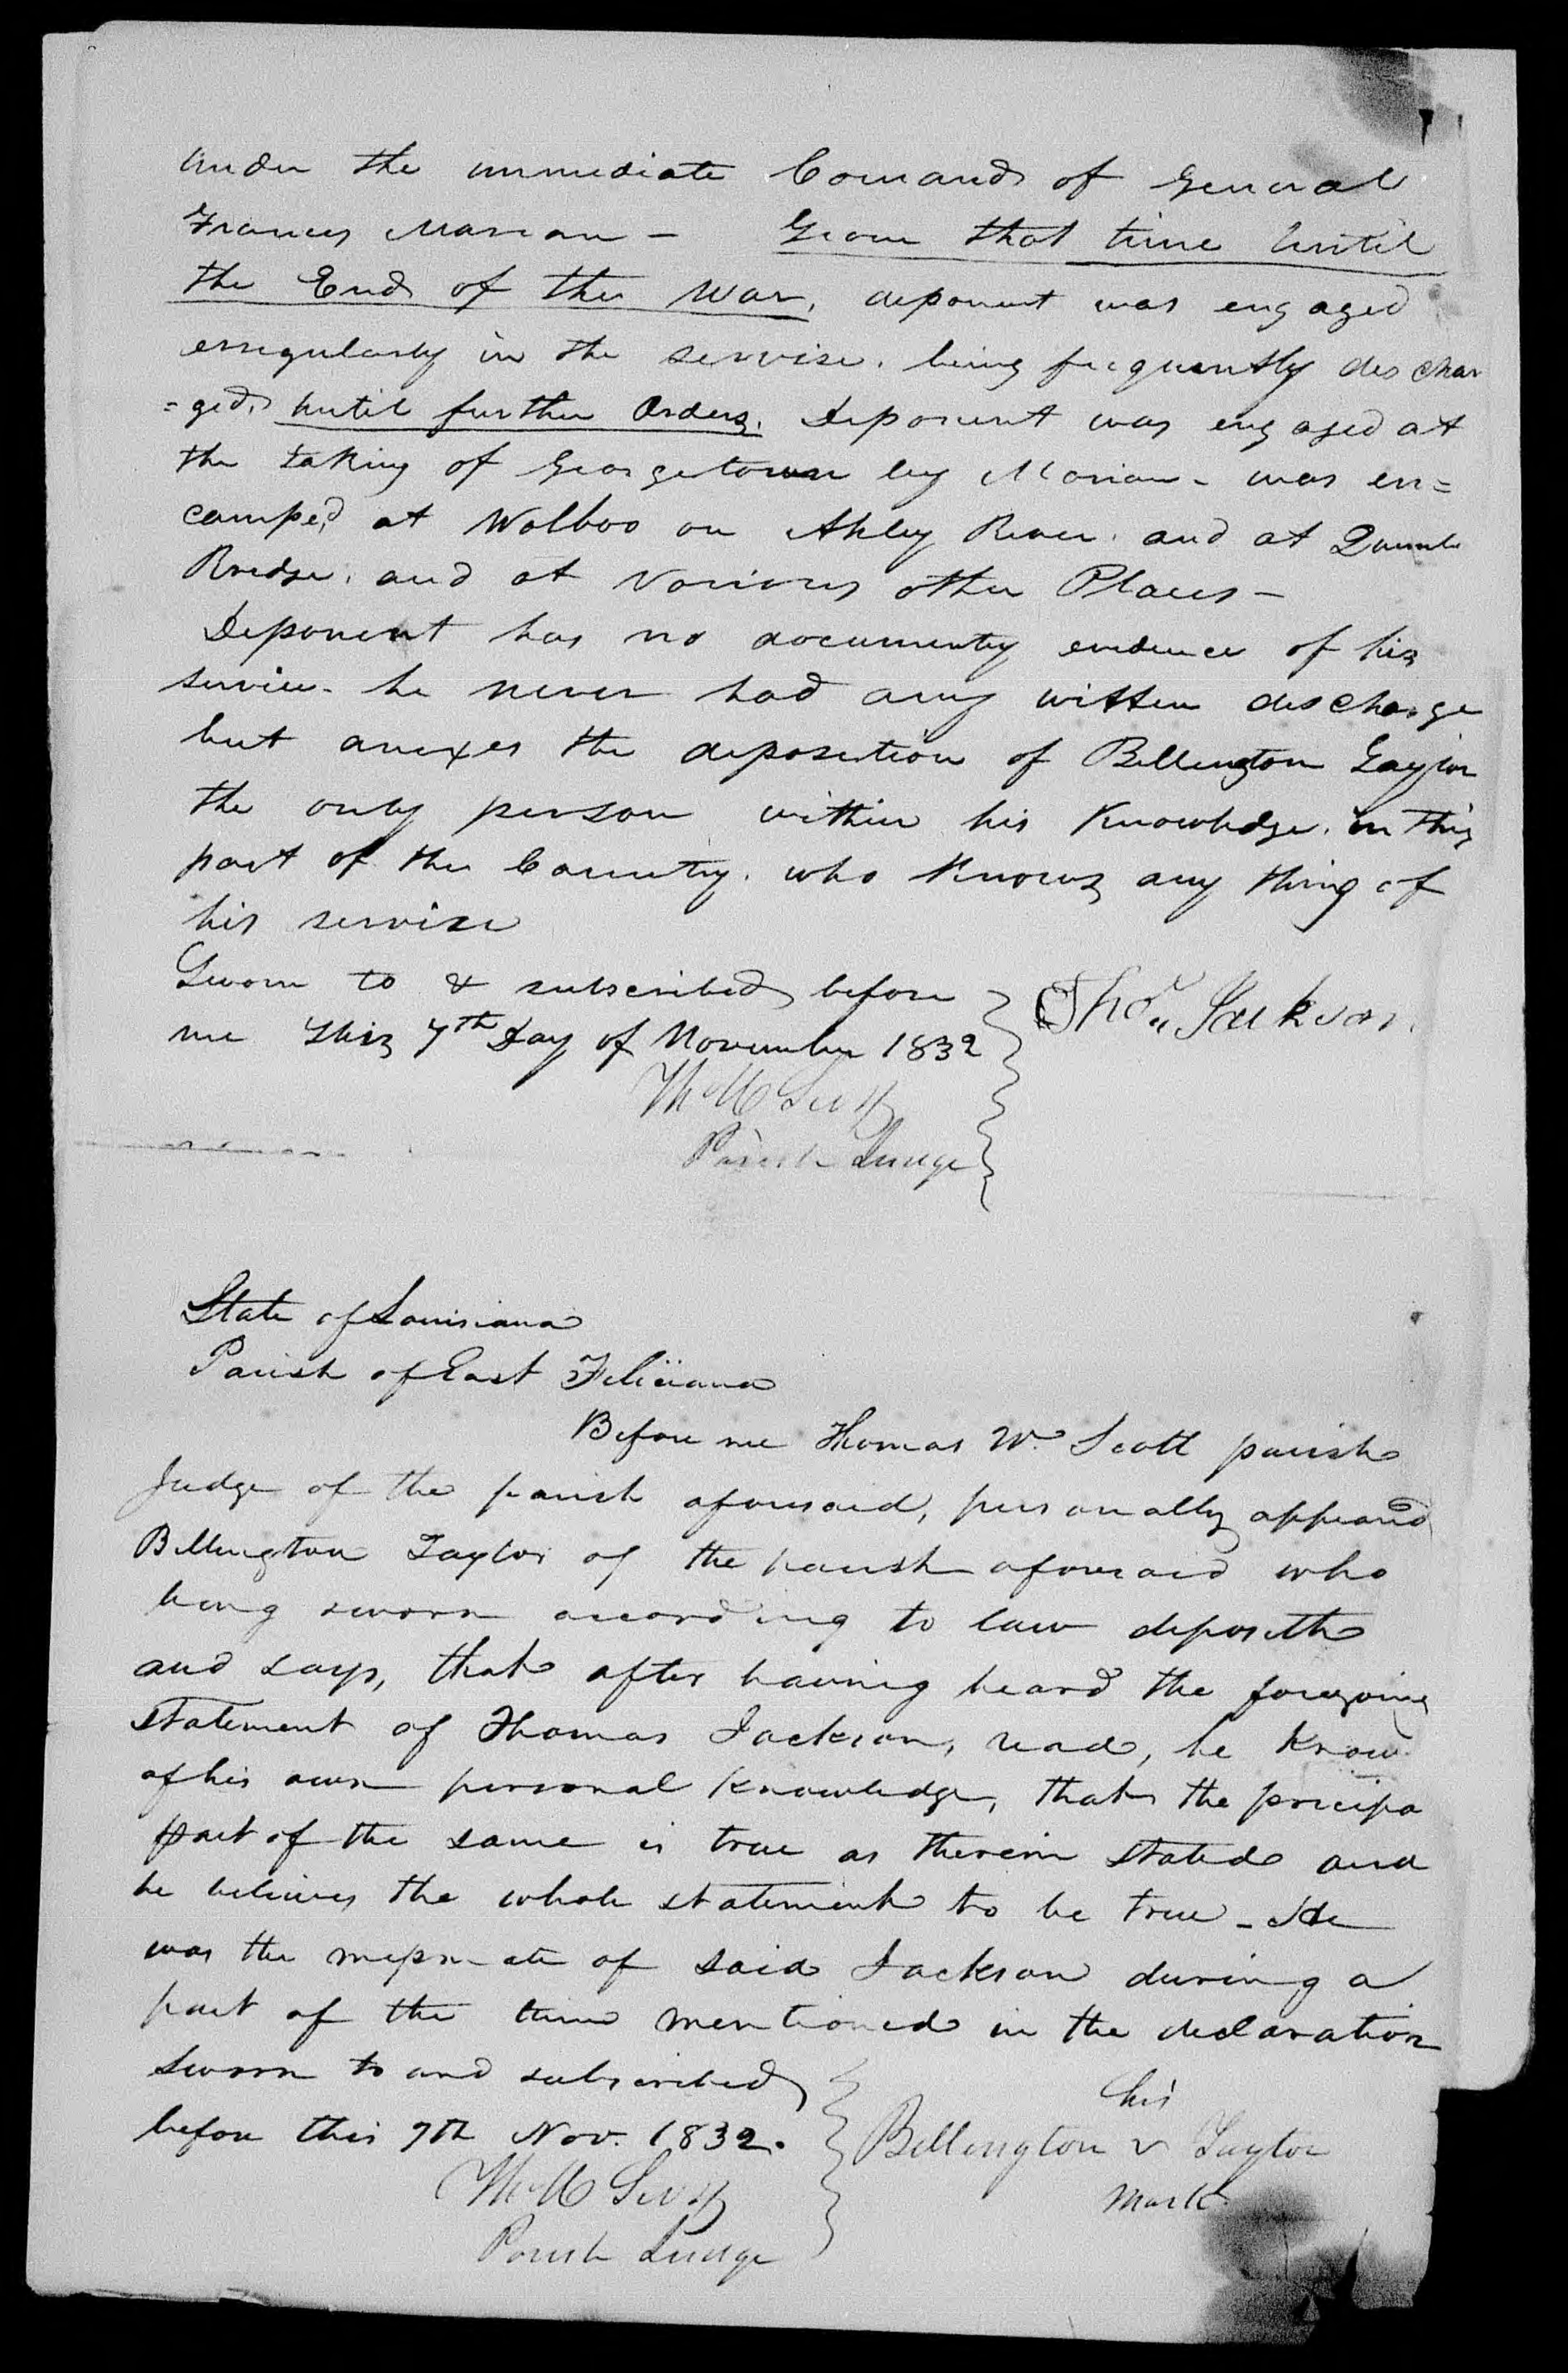under the immediate command of General
Frances Marion. From that time until
the End of the war, deponent was engaged
irregularly in the service, being frequently discharged, 
until further orders. Deponent was engaged at
the taking of Georgetown by Marion was encamped 
at Wolboo on Ahley River[Walterboro on the Ashpoo River??], and at Quent[??} Bridge, and at various other places-
Deponent has no documentary evidence of his
service he never had any witten discharge
but anexes the deposition of Billington Taylor
the only person within his knowledge, in this
part of the County who knows any thing of
his service.
Thos. Jackson
Sworn to & subscribed before )
me this 7th day of November 1832 )
Th. W. Scott )
Parish Judge )

State of Louisiana
Parish of East Feliciana
the
Before me Thomas W. Scott Parish
Judge of the parish aforesaid, personally appeared
Billington Taylor of the parish aforesaid who
being sworn according to law deposeth
and says, that after having heard the foregoing
statement of Thomas Jackson, read, he know
of his own personal knowledge, that the pricipal
part of the same is true as therein stated and
he believes the whole statement to be true. He
was the [illegible] of said Jackson during a
part of the time mentioned in the declaration.
Billington ^his ~ mark^ Taylor

Sworn to and subscribed )
before this 7th Nov. 1832. )
Th. W. Scott )
Parish Judge )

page: 5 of 54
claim: survivor's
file: S. 31166, for Thomas Jackson, South Carolina